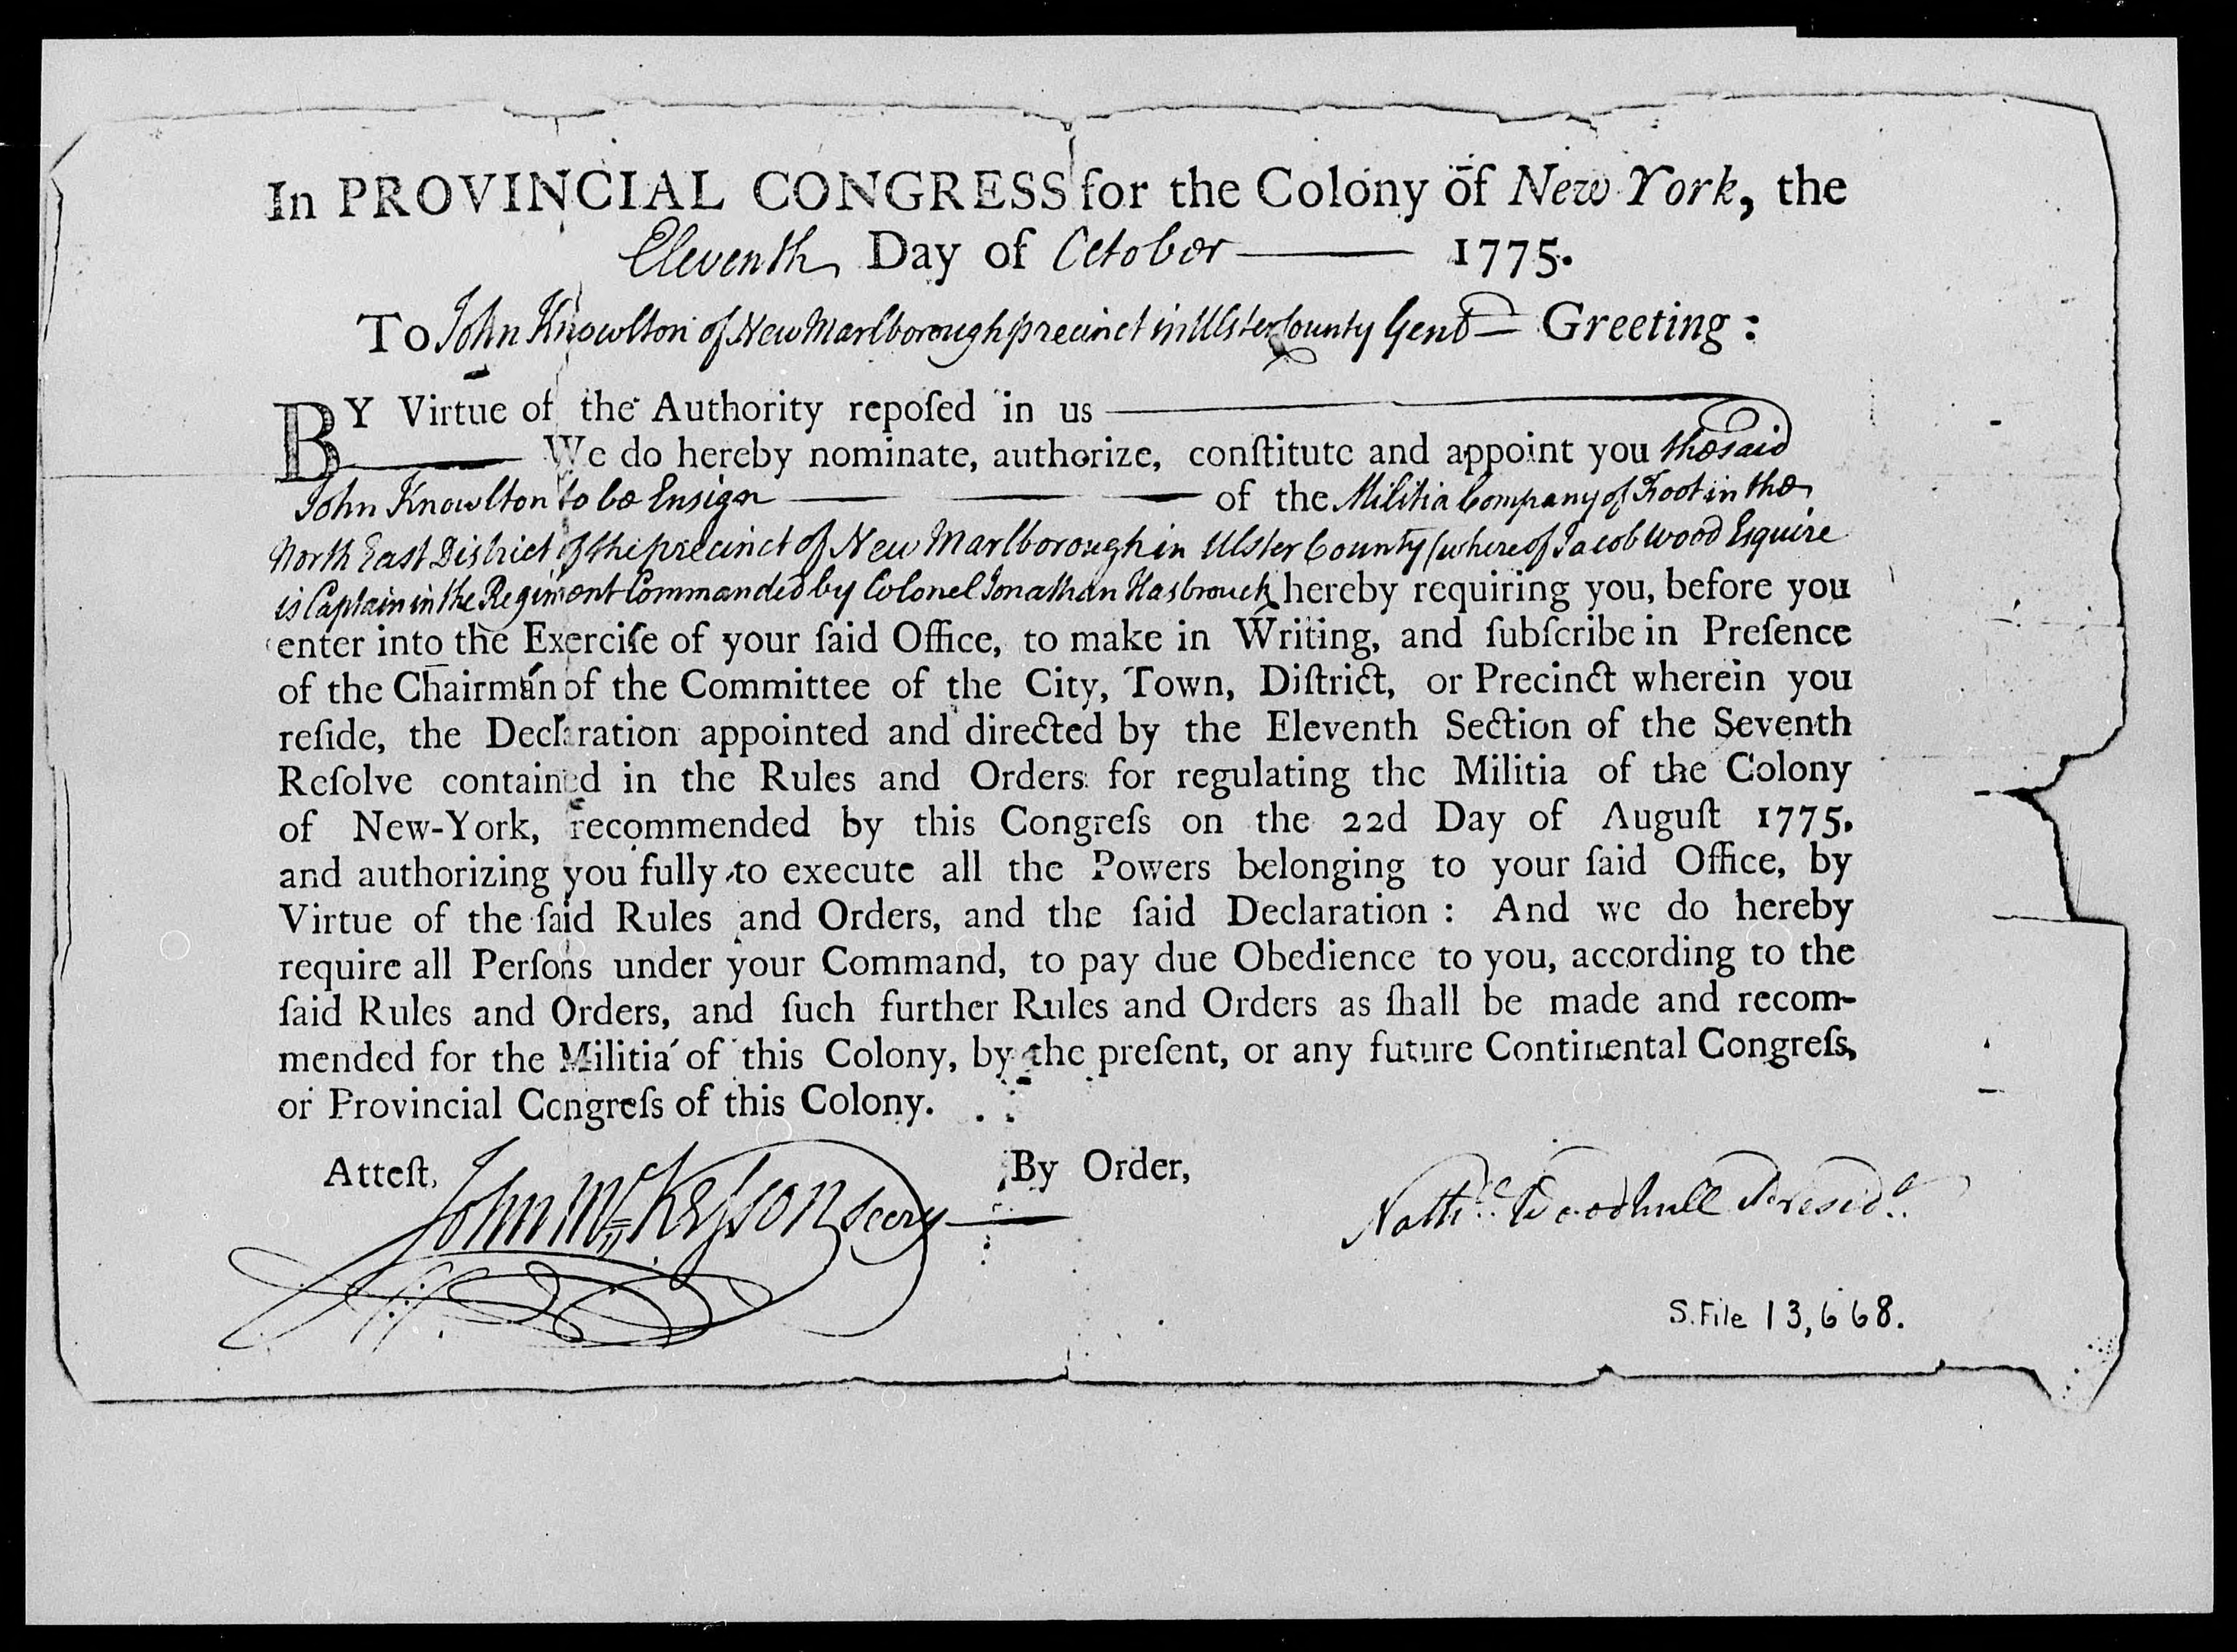In PROVINCIAL CONGRESS for the Colony of New York, the Eleventh Day of October 1775. To John Knowlton of New Marlborough precinct in Ulster County Gent Greeting:
BY Virtue of the Authority reposed in us --We do hereby nominate, authorize, constitute and appoint you the said John Knowlton to be Ensign
of the Militia Company of Foot in the
North East District of the precinct of New Marlborough in Ulster County (whereof Jacob Wood Esquire is Captain in the Regiment commanded by Colonel Jonathan Hasbrouck hereby requiring you, before you
enter into the Exercise of your said Office, to make in writing, and subscribe in Presence of the Chairman of the Committee of the City, Town, District, or precinct wherein you reside, the Declaration appointed and directed by the Eleventh section of the Seventh
Resolve contained in the Rules and Orders for regulating the Militia of the Colony of New-York, recommended by this Congress on the 22d day of August 1775. and authorizing you fully to execute all the Powers belonging to your said Office, by Virtue of the said Rules and Orders, and the said Declaration: And we do hereby require all persons under your Command, to pay due Obedience to you, according to the said Rules and Orders, and such further Rules and Orders as shall be made and recommended for the Militia of this Colony, by the present, or any future Continental Congress
or Provincial Congress of this Colony.
Attest,
John McKesson Secry
By Order, Nathl Woodhull Presidt

S. File 13,668.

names: Jonathan Hasbrouck; Nathel Woodhull; Jacob Wood; John Knowlton; John Mc Kesson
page: 17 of 25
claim: survivor's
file: S. 13668, for John Knowlton, New York